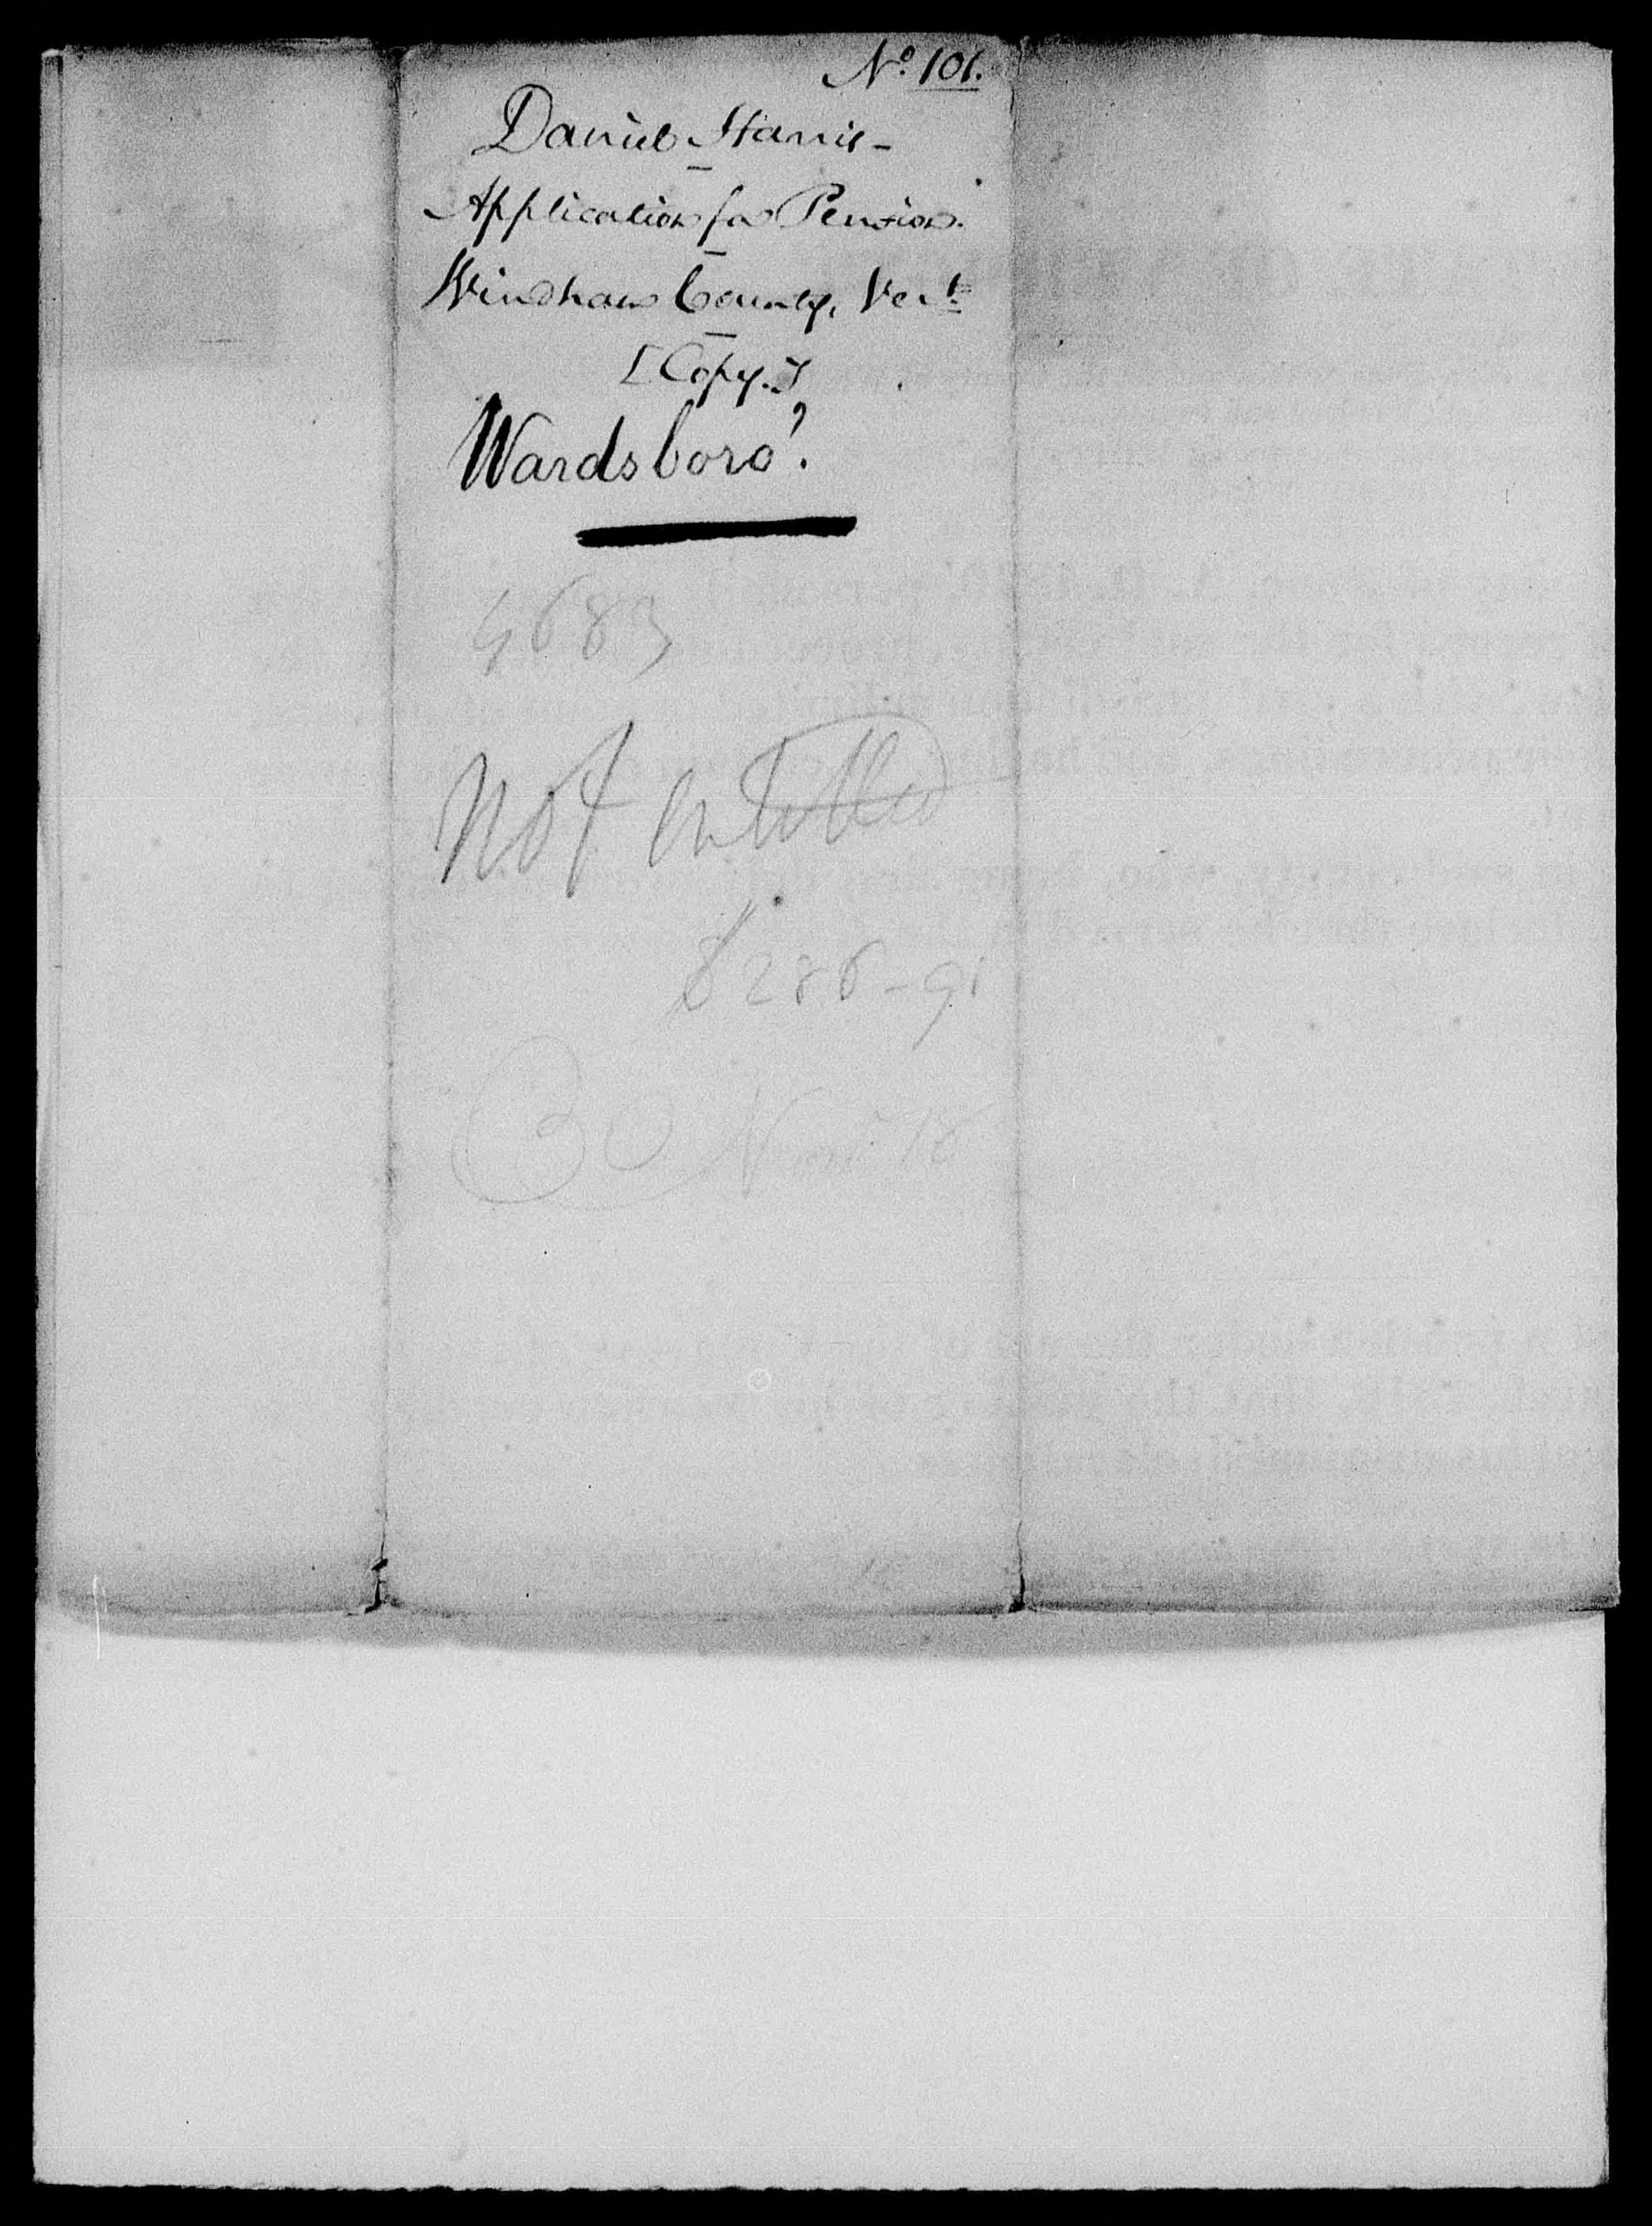No. 101

Daniel Harris 
Application for Pension 
Windham County, Vert

[Copy]
Wardsboro?

4683
Not entitled 
$286 - 9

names: Daniel Harris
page: 31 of 68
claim: survivor's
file: S. 29,877, Daniel Harris, Mass.